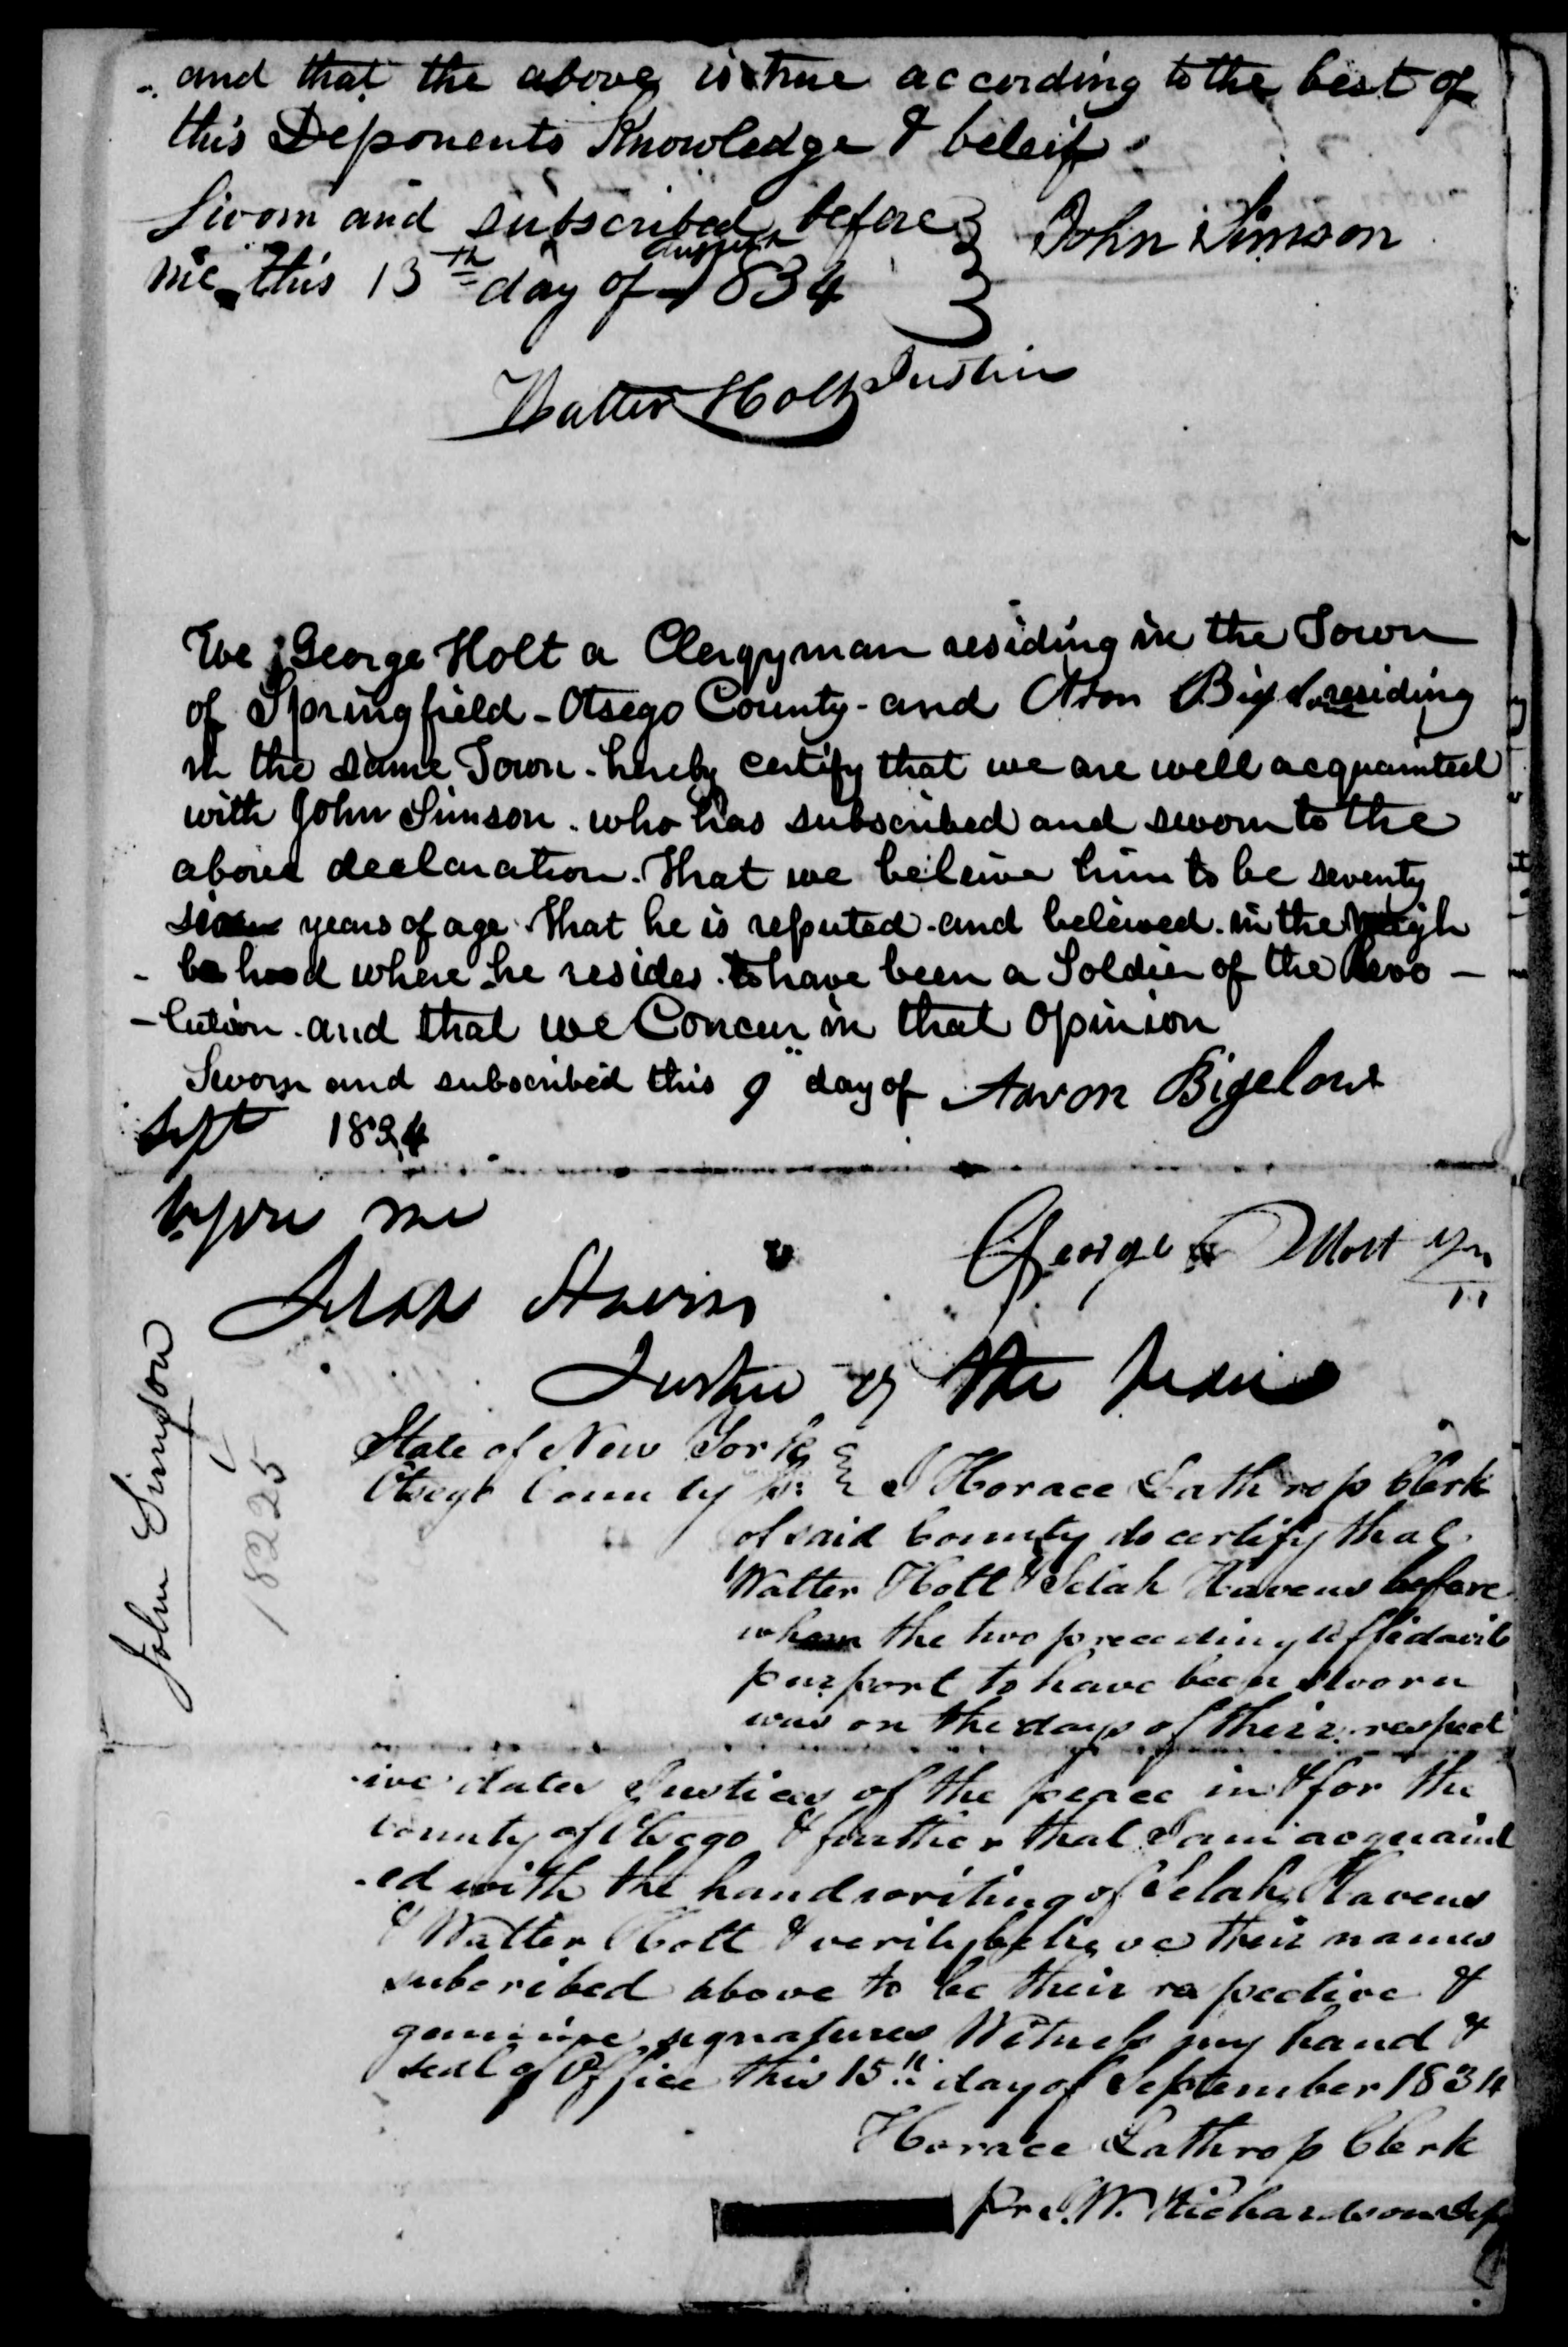We George Holt a Clergyman residing in the Town of Springfield, Otsego County, and Aron Bigelow residing in the same Town, hereby certify that we are well acquainted with John Simson, who has subscribed and sworn to the above declaration.  That we believe him to be seventy six years of age.  That he is reputed and believed in the neighborhood where he resides to have been a Soldier of the Revolution and that we Concur in that opinion  [signatures] Aaron Bigelow  George O Holt [illegible]
Sworn and subscribed this 9 day of Sept 1834 before me [illegible signature] Justice of the peace
State of New York Otsego County ss
I Horace Lathrop Clerk of said County do certify that Walter Holt & Selah Havens before whom the two preceding affidavits purport to have been sworn was on the days of their respective dates Justices of the peace in & for the County of Otsego & further that I am acquainted with the handwriting of Selah Havens & Walter Holt & verily believe their names subscribed above to be their respective & genuine signatures  Witness my hand & seal of Office this 15th day of September 1834 [signed Horace Lathrop Clerk
Pre. W. Richardson J P
[written along left edge of page:] John Simpson 18225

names: W Richardson; Horace Lathrop; George Mort; Selah Havens; John Simson; John Simson; Aaron Bigelow; Walter Holt; John Simson; George Holt; Selah Havens; Walter Holt; Walter Holt; John Simson; Horace Lathrop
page: 7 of 35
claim: rejected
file: R. 9601, for John Simson, New Jersey